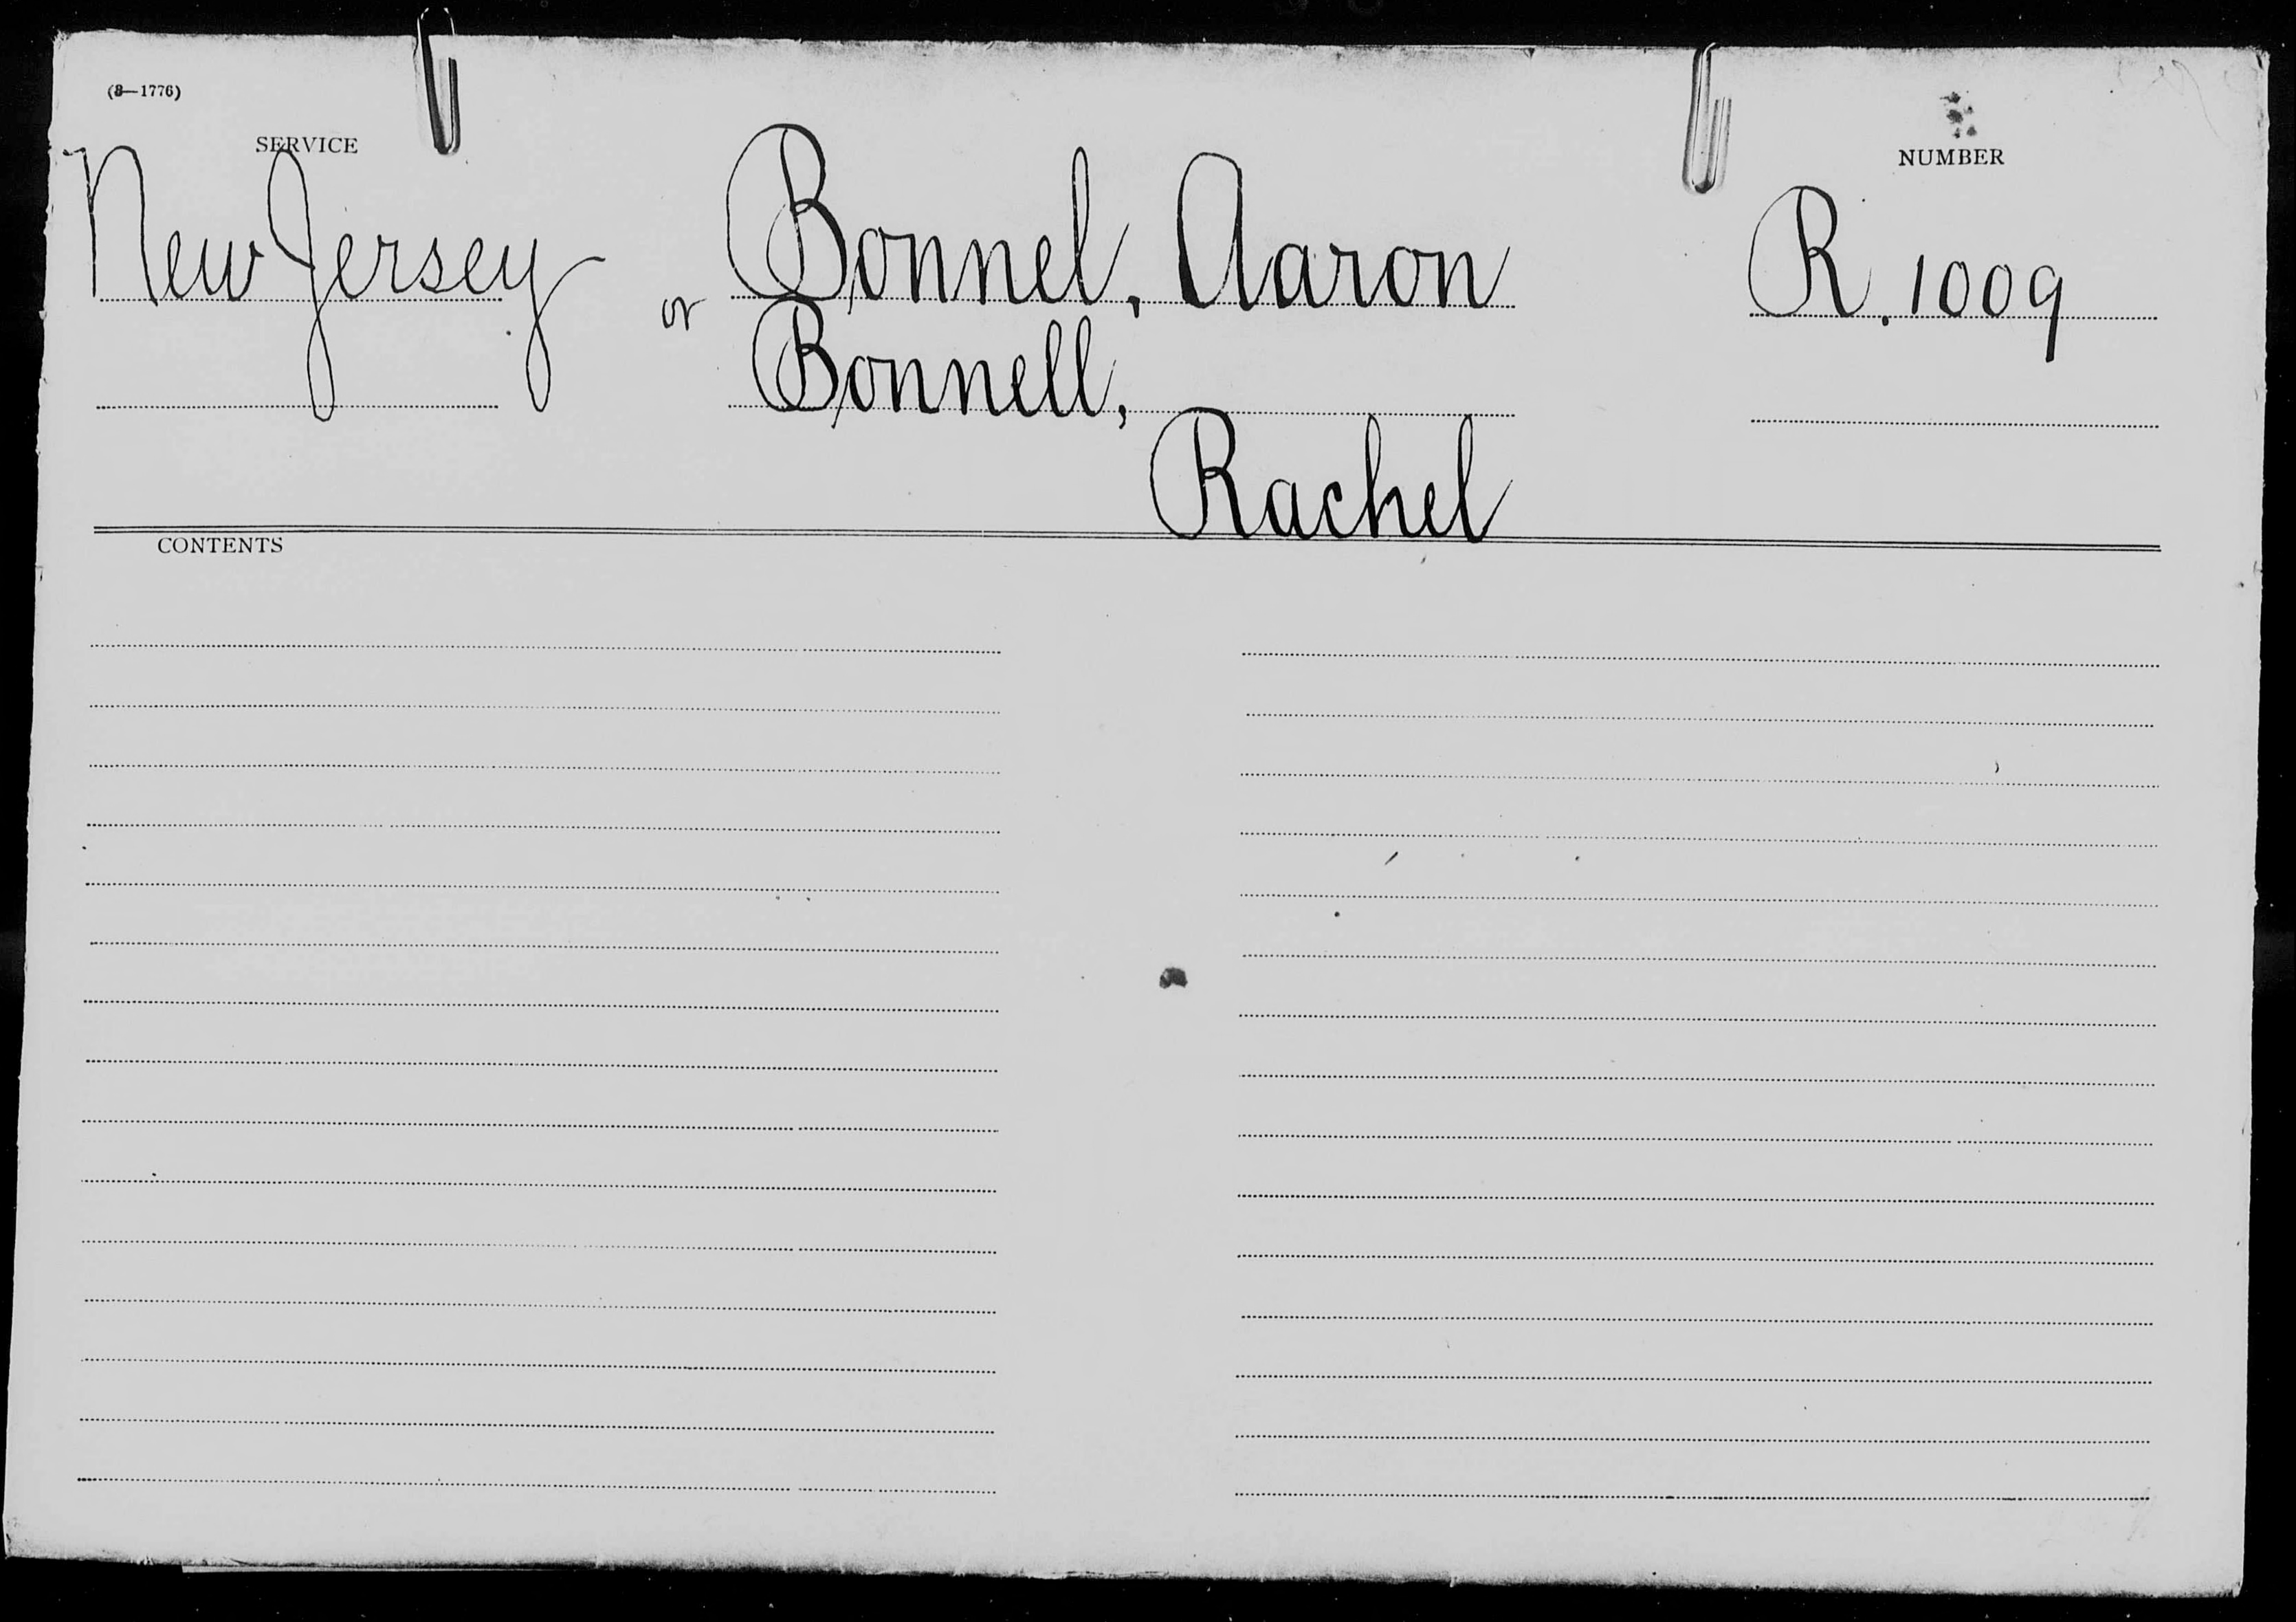(3-1776)
Service
New Jersey
Bonnel, Aaron
or Bonnell,
Rachel
Number
R. 1009
Contents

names: Aaron Bonnell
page: 1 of 67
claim: rejected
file: R. 1009, Aaron Bonnel, New Jersey